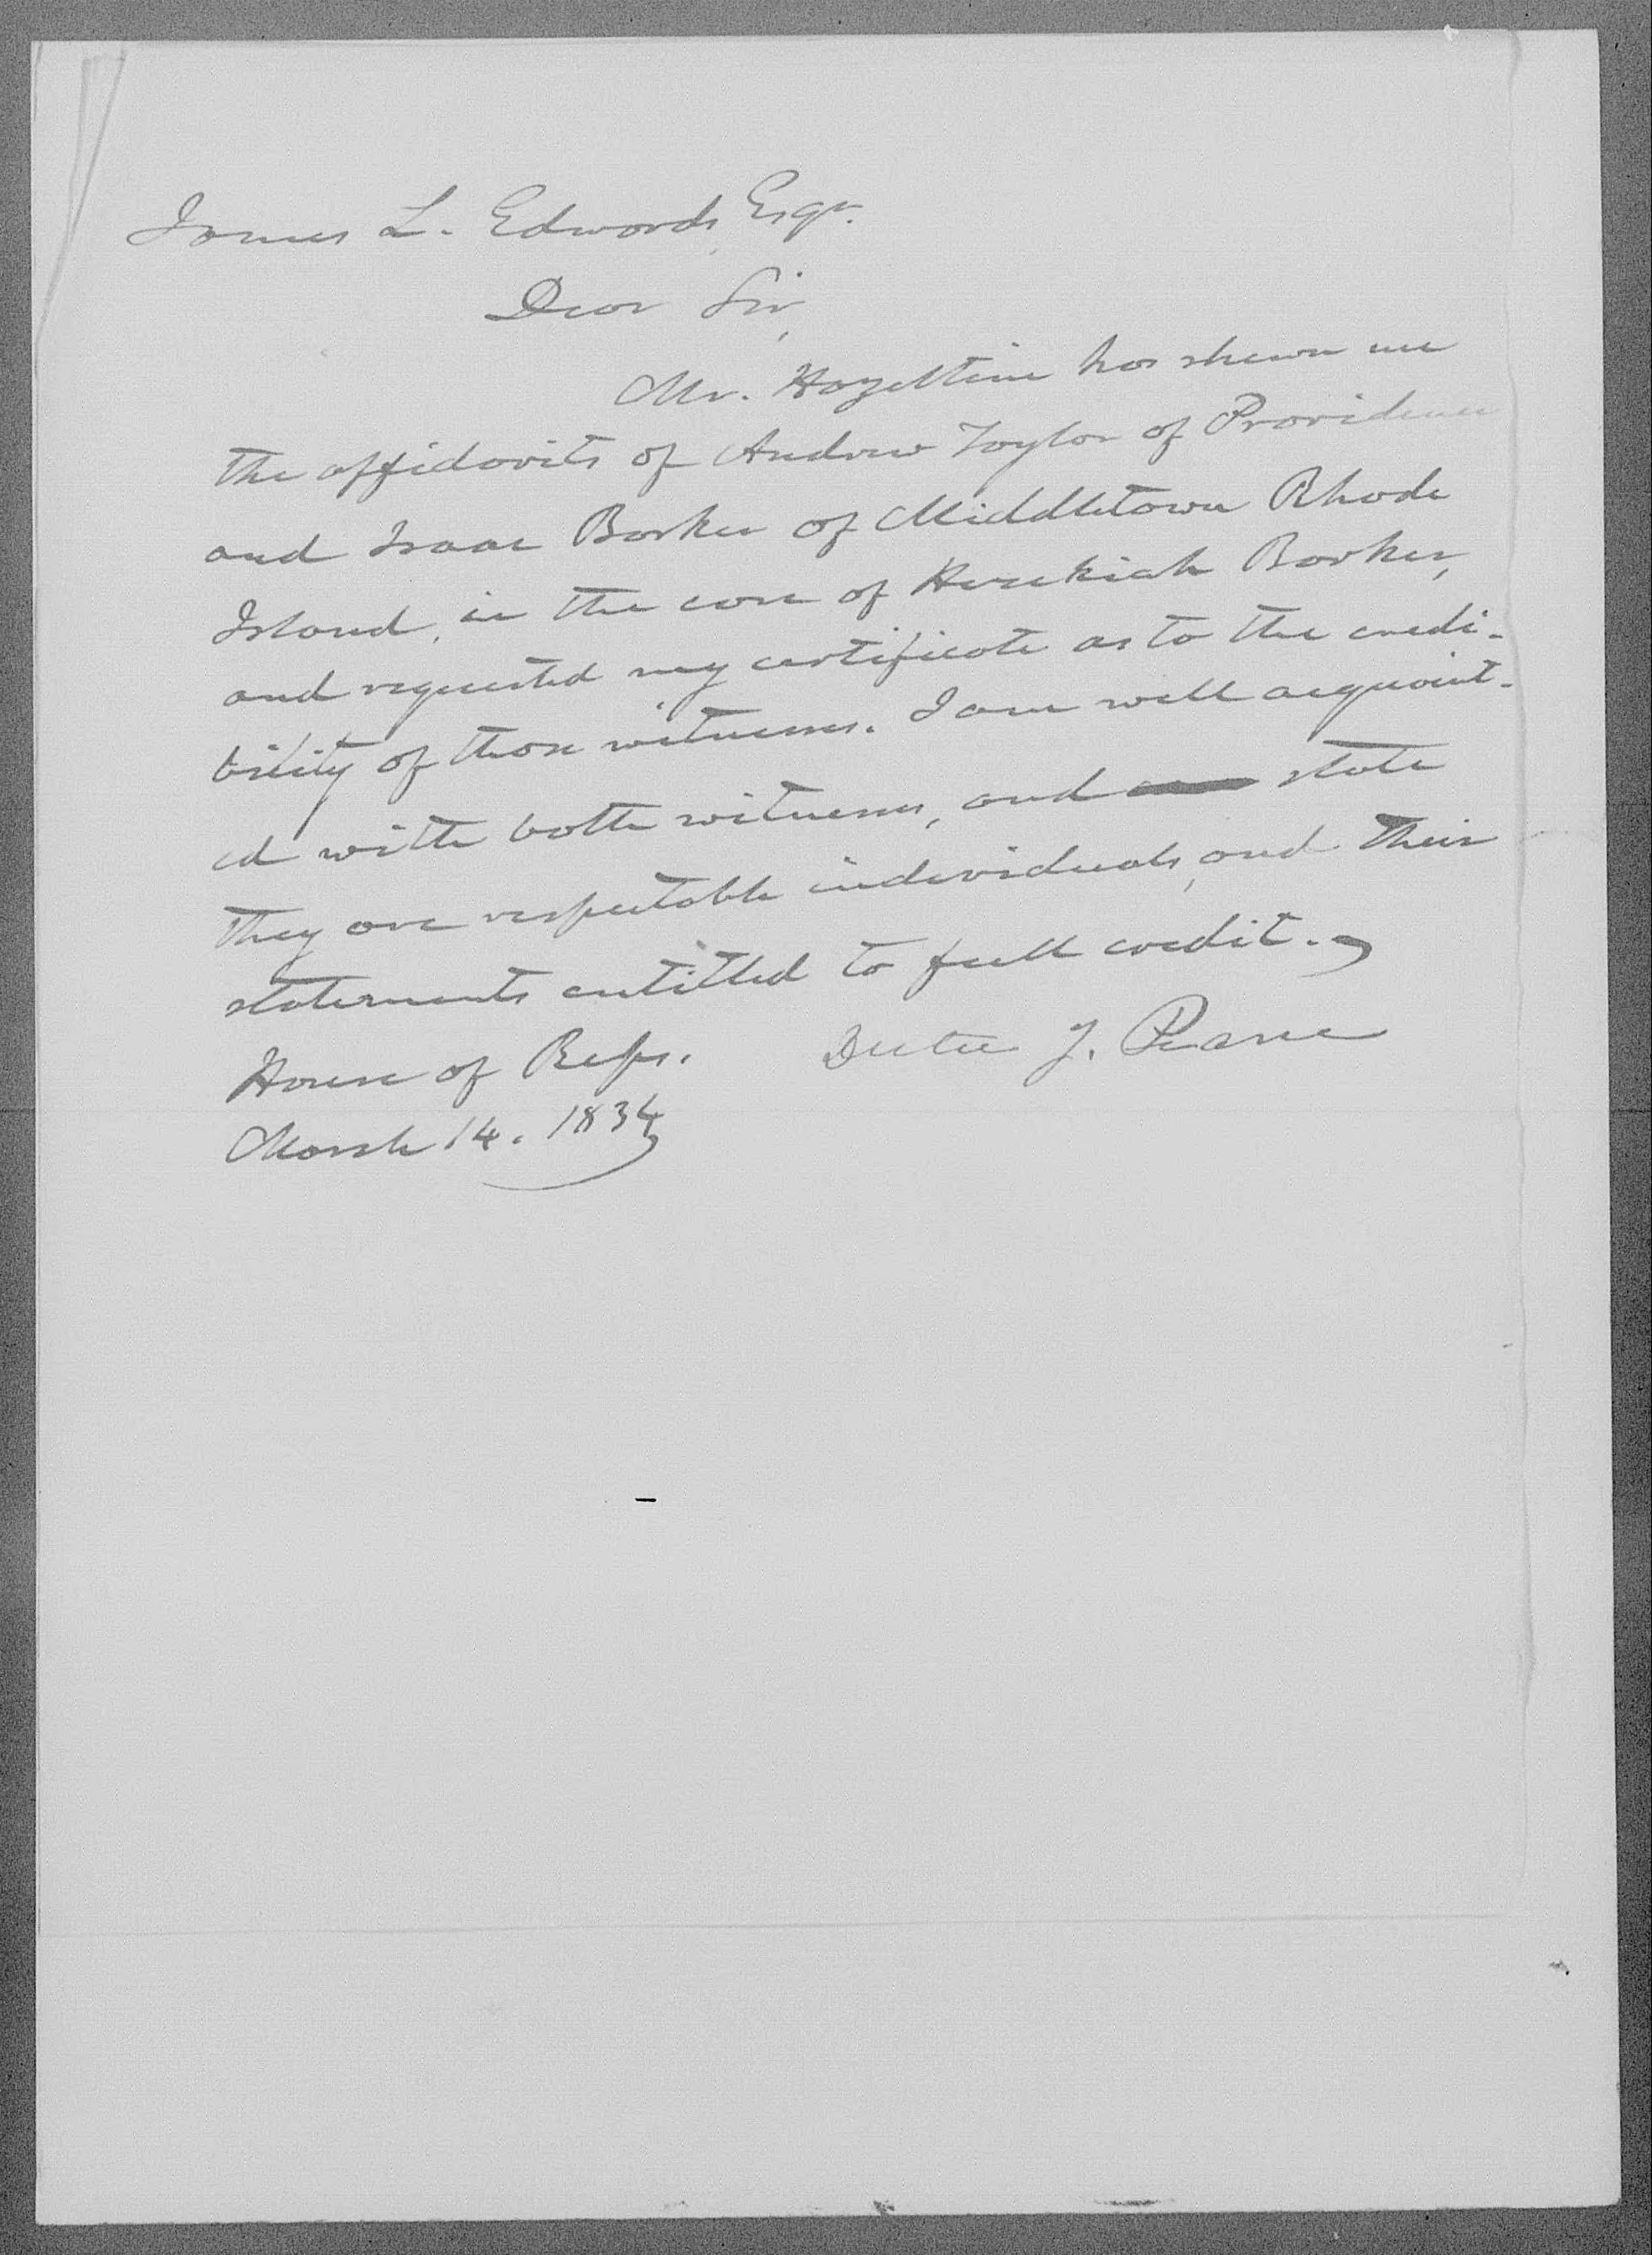James L. Edwards, Esqr.
Dear Sir,
Mr. Hazeltine has shown me the affidavits of Andrew Taylor of Providence and Isaac Barker of Middletown Rhode Island, in the case of Hezekiah Barker, and requested my certificate as to the credibility of those witnesses.  I am acquainted with both witnesses, and state they are reputable individuals and their statements entitled to full credit.
Dutee J. Pearce
House of Reps.
March 14, 1834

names: Dutee J Pearce, Andrew Taylor, Hazeltine, Hezekiah Barker, James L Edwards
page: 22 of 52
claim: widow's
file: W. 18,565, Hezekiah Barker, Continental R.I.